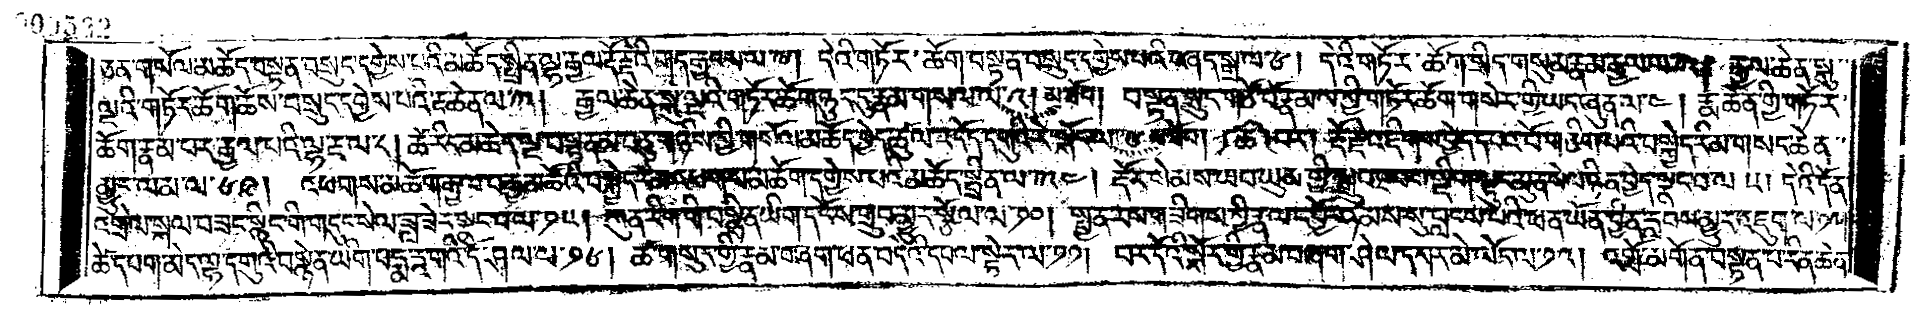ཅན་གསོལ་མཆོད་བསྟན་བསྲུང་དགྱེས་པའི་མཆོད་སྤྲིན་ལྷ་རྒྱལ་རྡོ་རྗེའི་གད་རྒྱངས་ལ ༧། དེའི་གཏོར་ཆོག་བསྟན་བསྲུང་དགྱེས་པའི་བཞད་སྒྲ་ལ ༦། དེའི་གཏོར་ཆོག་སྲིད་གསུམ་རྣམ་རྒྱལ་ལ ༣། རྒྱལ་ཆེན་སྐུ་
ལྔའི་གཏོར་ཆོག་ཆོས་བསྲུང་དགྱེས་པའི་རྔ་ཆེན་ལ ༣། རྒྱལ་ཆེན་སྐུ་ལྔའི་གཏོར་ཆོག་ཉུང་དུ་རྣམ་གསལ་ལ་མ་ཐོབ།  ༢། བསྟན་སྲུང་གཙོ་བོ་རྣམས་ཀྱི་གཏོར་ཆོག་གསེར་གྱི་ཡང་ཞུན་ལ ༤། རྨ་ཆེན་གྱི་གཏོར་
ཆོག་རྣམ་པར་རྒྱལ་པའི་ལྷ་རྔ་ལ ༨། ཚེ་རིང་མཆེད་ལྔ་བསྟན་མ་བཅུ་གཉིས་ཀྱི་གསོལ་མཆོད་བྱེད་ཚུལ་འདོད་དགུའི་རེ་སྐོང་ལ་མ་ཐོབ།  ༦། ༼ཆ༽ པར། རྡོ་རྗེ་འཇིགས་བྱེད་དཔའ་བོ་གཅིག་པའི་བསྐྱེད་རིམ་གསང་ཆེན་
མྱུར་ལམ་ལ ༦༩། འཕགས་མཆོག་རྒྱལ་བརྒྱ་མཚོའི་བསྐྱེད་རིམ་འཕགས་མཆོག་དགྱེས་པའི་མཆོད་འྤྲིན་ལ ༣༤། རྡོར་སེམས་ཡབ་ཡུམ་གྱི་སྒྲུབ་ཐབས་སྡིག་ལྟུང་མུན་སེལ་ཉིན་ཉེད་སྣང་བ་ལ ༥། དེའི་དོན་
འགྲེལ་སྐལ་བཟང་སྙིང་གི་གདུང་སེལ་ཟླ་ཟེར་སྣང་བ་ལ ༡༥། ཀུན་རིག་གི་བསྙེན་ཡིག་དངོས་གྲུབ་མྱུར་སྩོལ་ལ ༡༠། སྤྱན་རས་གཟིགས་ཀྱི་རྣལ་འབོར་ཉམས་སུ་བླངས་པའི་ཕན་ཡོན་བྱིན་རླབས་མྱུར་འཇུག་ལ ༡༧།
ཚེ་དཔག་མེད་ལྷ་དགུའི་བསྙེན་ཡིག་པདམ་རཱ་གའི་དོ་ཤལ་ལ ༡༦། ཚ་གསུང་གྱི་རྣམ་བཞག་ཕན་བདེའི་དཔལ་སྟེར་ལ ༡༡། བར་དོའི་སྐོར་གྱི་རྣམ་བཞག་ཤེལ་དཀར་མེ་ལོང་ལ ༡༢། འགྲོ་མགོན་བསྟན་པ་རིན་ཆེན་